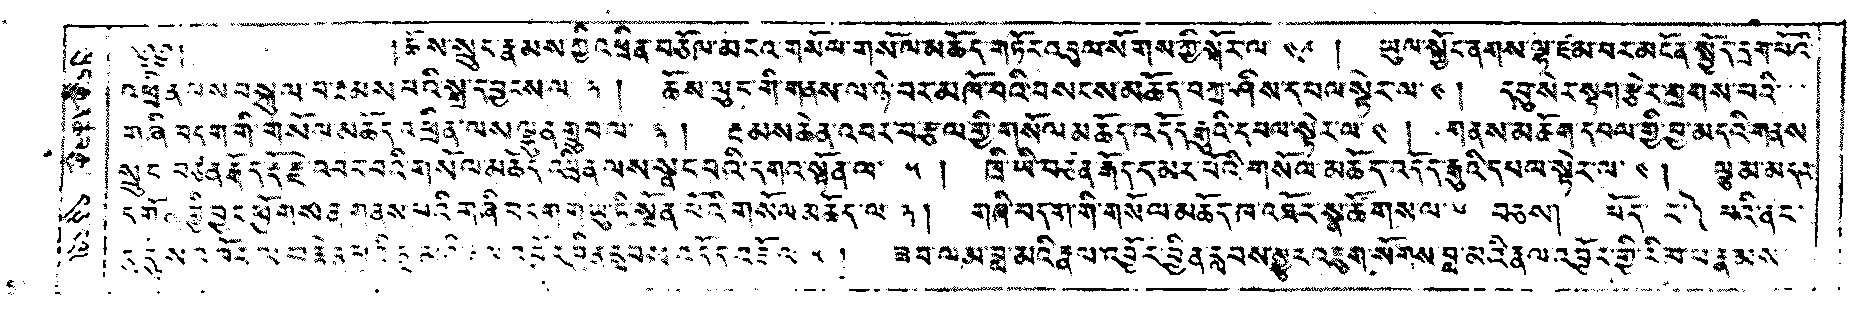༄༅། །ཆོས་སྲུང་རྣམས་ཀྱི་འཕྲིན་བཅོལ་མངའ་གསོལ་གསོལ་མཆོད་གཏོར་འབུལ་སོགས་ཀྱི་སྐོར་ལ ༤༩། ཡུལ་སྐྱོང་ནགས་ལྷ་ཛམ་པར་མངོན་སྤྱོད་དྲག་པོའི་
འཕྲིན་ལས་བསྐུལ་བ་རྔམས་པའི་སྒྲ་དབྱངས་ལ ༢། ཆོས་ལུང་གི་གནས་ལ་ཉེ་བར་མཁོ་བའི་བསངས་མཆོད་བཀྲ་ཤིས་དཔལ་སྟེར་ལ ༤། དབུ་སེར་སྟག་རྩེར་གྲགས་པའི་
གཞི་བདག་གི་གསོལ་མཆོད་འཕྲིན་ལས་ལྷུན་གྲུབ་ལ ༣། རྔམས་ཆེན་འབར་བ་རྩལ་གྱི་གསོལ་མཆོད་འདོད་རྒུའི་དཔལ་སྟེར་ལ ༤། གནས་མཆོག་དཔལ་གྱི་བྱ་མདའི་གནས་
སྲུང་བཙན་རྒོད་རྡོ་རྗེ་འབར་བའི་གསོལ་མཆོད་འཕྲིན་ལས་སྣང་བའི་དགའ་སྟོན་ལ ༥། ཁྲི་ཡི་བཙན་རྒོད་དམར་པོའི་གསོལ་མཆོད་འདོད་རྒུའི་དཔལ་སྟེར་ལ ༤། ལྕམ་མདའ་
དགོན་གྱི་བྱང་ཕྱོགས་ན་གནས་པའི་གཞི་བདག་གཡུ་ཏི་སྔོན་པོའི་གསོལ་མཆོད་ལ ༢། གཞི་བདག་གི་གསོལ་མཆོད་ཁ་འཐོར་སྣ་ཚོགས་ལ ༦་བཅས། པོད་ང྄་པའི་ནང་
དུ་དུས་འཁོར་ལ་བརྟེན་པའི་བླ་མའི་རྣལ་འབྱོར་བྱིན་རླབས་འདོད་འཇོ་ལ ༥། ཟབ་ལམ་བླ་མའི་རྣལ་འབྱོར་བྱིན་རླབས་མྱུར་འཇུག་སོགས་བླ་མའི་རྣལ་འབྱོར་གྱི་རིམ་པ་རྣམས་